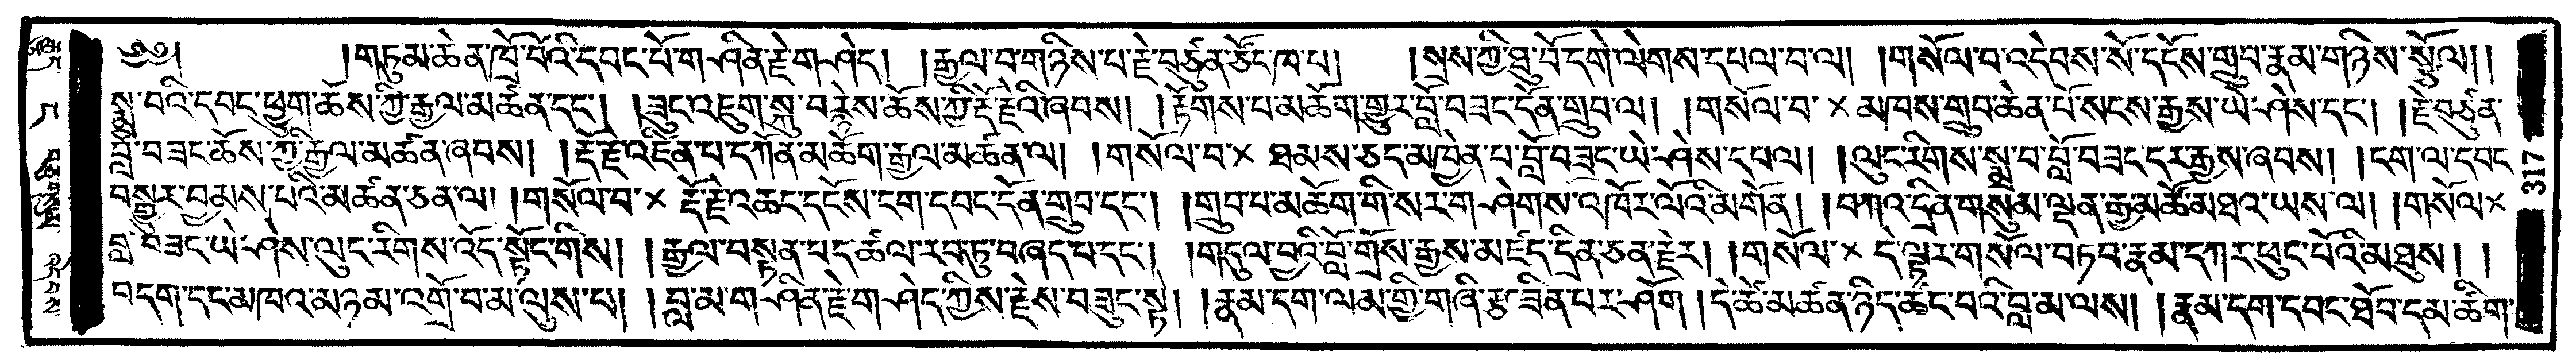༄༅། །གཏུམ་ཆེན་ཁྲོ་བོའི་དབང་པོ་གཤིན་རྗེ་གཤེད། །རྒྱལ་བ་གཉིས་པ་རྗེ་བཙུན་ཙོང་ཁ་པ། །སྲས་ཀྱི་ཐུ་བོ་དགེ་ལེགས་དཔལ་བ་ལ། །གསོལ་བ་འདེབས་སོ་དངོས་གྲུབ་རྣམ་གཉིས་སྩོལ། །
སྨྲ་བའི་དབང་ཕྱུག་ཆོས་ཀྱི་རྒྱལ་མཚན་དང་། །ཟུང་འཇུག་སྐུ་བརྙེས་ཆོས་ཀྱི་རྡོ་རྗེའི་ཞབས། །རྟོགས་པ་མཆོག་གྱུར་བློ་བཟང་དོན་གྲུབ་ལ། །གསོལ་བ་{྾}་མཁས་གྲུབ་ཆེན་པོ་སངས་རྒྱས་ཡེ་ཤེས་དང་། །རྗེ་བཙུན་
བློ་བཟང་ཆོས་ཀྱི་རྒྱལ་མཚན་ཞབས། །རྡོ་རྗེ་འཛིན་པ་དཀོན་མཆོག་རྒྱལ་མཚན་ལ། །གསོལ་བ་{྾}་ཐམས་ཅད་མཁྱེན་པ་བློ་བཟང་ཡེ་ཤེས་དཔལ། །ལུང་རིགས་སྨྲ་བ་བློ་བཟང་དར་རྒྱས་ཞབས། །ངག་ལ་དབང་
བསྒྱུར་བྱམས་པའི་མཚན་ཅན་ལ། །གསོལ་བ་{྾}་རྡོ་རྗེ་འཆང་དངོས་ངག་དབང་དོན་གྲུབ་དང་། །གྲུབ་པ་མཆོག་གི་སར་གཤེགས་འཁོར་ལོའི་མགོན། །བཀའ་དྲིན་གསུམ་ལྡན་རྒྱ་མཚོ་མཐའ་ཡས་ལ། །གསོལ་{྾}
བློ་བཟང་ཡེ་ཤེས་ལུང་རིགས་འོད་སྟོང་གིས། །རྒྱལ་བསྟན་པད་ཚལ་རབ་ཏུ་བཞད་པ་དང་། །གདུལ་བྱའི་བློ་གྲོས་རྒྱས་མཛད་དྲིན་ཅན་རྗེར། །གསོལ་{྾}་དེ་ལྟར་གསོལ་བཏབ་རྣམ་དཀར་ཕུང་པོའི་མཐུས། །
བདག་དང་མཁའ་མཉམ་འགྲོ་བ་མ་ལུས་པ། །བླ་མ་གཤིན་རྗེ་གཤེད་ཀྱིས་རྗེས་བཟུང་སྟེ། །རྣམ་དག་ལམ་གྱི་གཞི་རྩ་ཟིན་པར་ཤོག །དེ་ཚེ་མཚན་ཉིད་ཚང་བའི་བླ་མ་ལས། །རྣམ་དག་དབང་ཐོབ་དམ་ཚིག་